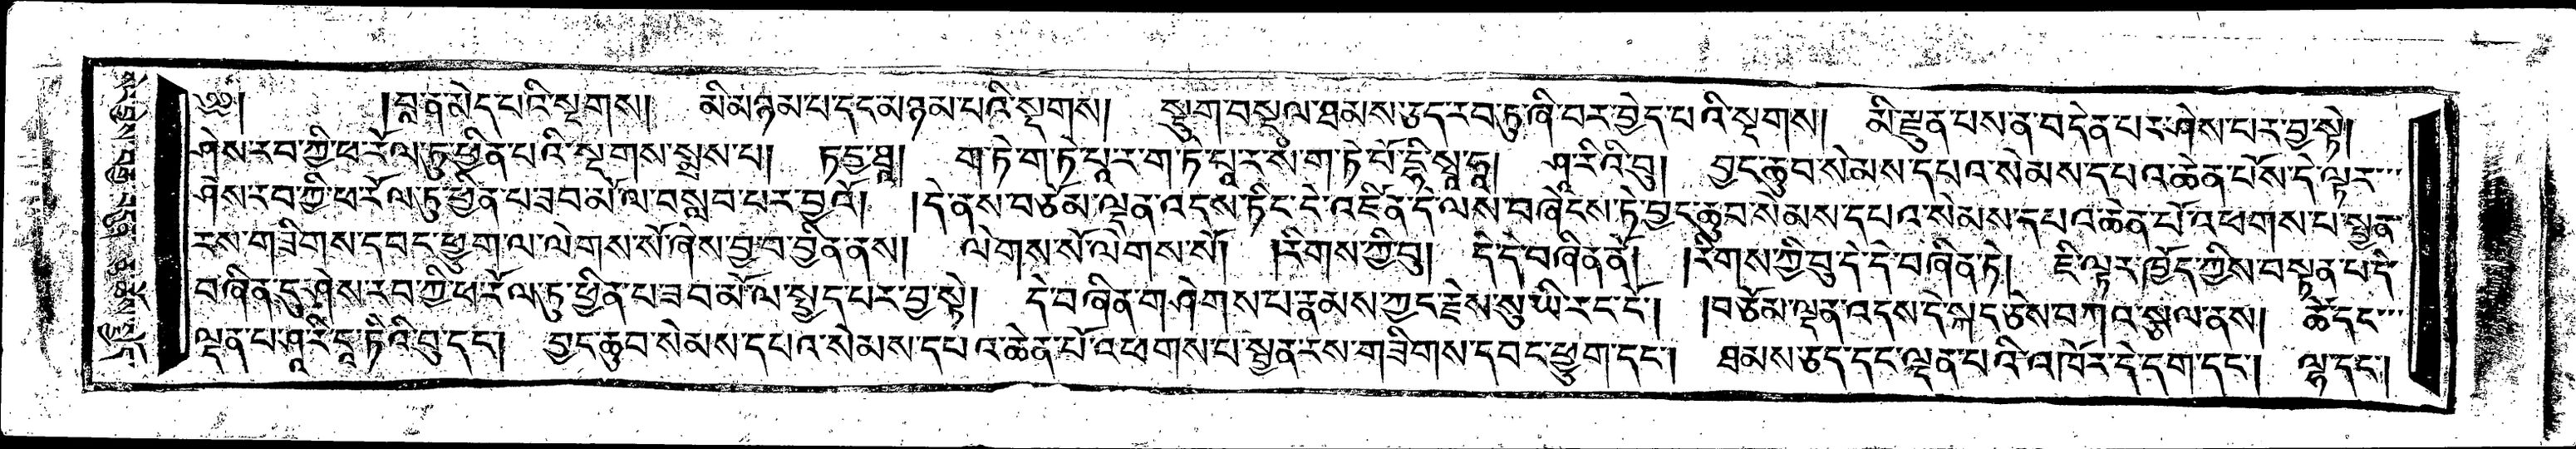༄༅། །བླ་ན་མེད་པའི་སྔགས། མི་མཉམ་པ་དང་མཉམ་པའི་སྔགས། སྡུག་བསྔལ་ཐམས་ཅད་རབ་ཏུ་ཞི་བར་བྱེད་པའི་སྔགས། མི་རྫུན་པས་ན་བདེན་པར་ཤེས་པར་བྱ་སྟེ།
ཤེས་རབ་ཀྱི་ཕ་རོལ་ཏུ་ཕྱིན་པའི་སྔགས་སྨྲས་པ། ཏ་དྱ་ཐཱ། ག་ཏེ་ག་ཏེ་པཱ་ར་ག་ཏེ་པཱ་ར་སཾ་ག་ཏེ་པོ་དྷི་སྭཱ་ཧཱ། ཤཱ་རིའི་བུ། བྱང་ཆུབ་སེམས་དཔའ་སེམས་དཔའ་ཆེན་པོས་དེ་ལྟར་
ཤེས་རབ་ཀྱི་ཕ་རོལ་ཏུ་ཕྱིན་པ་ཟབ་མོ་ལ་བསླབ་པར་བྱའོ། །དེ་ནས་བཅོམ་ལྡན་འདས་ཏིང་ངེ་འཛིན་དེ་ལས་བཞེངས་ཏེ་བྱང་ཆུབ་སེམས་དཔའ་སེམས་དཔའ་ཆེན་པོ་འཕགས་པ་སྤྱན་
རས་གཟིགས་དབང་ཕྱུག་ལ་ལེགས་སོ་ཞེས་བྱ་བ་བྱིན་ནས། ལེགས་སོ་ལེགས་སོ། །རིགས་ཀྱི་བུ། དེ་དེ་བཞིན་ནོ། །རིགས་ཀྱི་བུ་དེ་དེ་བཞིན་ཏེ། ཇི་ལྟར་ཁྱོད་ཀྱིས་བསྟན་པ་དེ་
བཞིན་དུ་ཤེས་རབ་ཀྱི་ཕ་རོལ་ཏུ་ཕྱིན་པ་ཟབ་མོ་ལ་སྤྱད་པར་བྱ་སྟེ། དེ་བཞིན་གཤེགས་པ་རྣམས་ཀྱང་རྗེས་སུ་ཡི་རང་ངོ། །བཅོམ་ལྡན་འདས་དེ་སྐད་ཅེས་བཀའ་སྩལ་ནས། ཚེ་དང་
ལྡན་པ་ཤཱ་རི་དཱ་ཏིའི་བུ་དང་། བྱང་ཆུབ་སེམས་དཔའ་སེམས་དཔའ་ཆེན་པོ་འཕགས་པ་སྤྱན་རས་གཟིགས་དབང་ཕྱུག་དང་། ཐམས་ཅད་དང་ལྡན་པའི་འཁོར་དེ་དག་དང་། ལྷ་དང་།